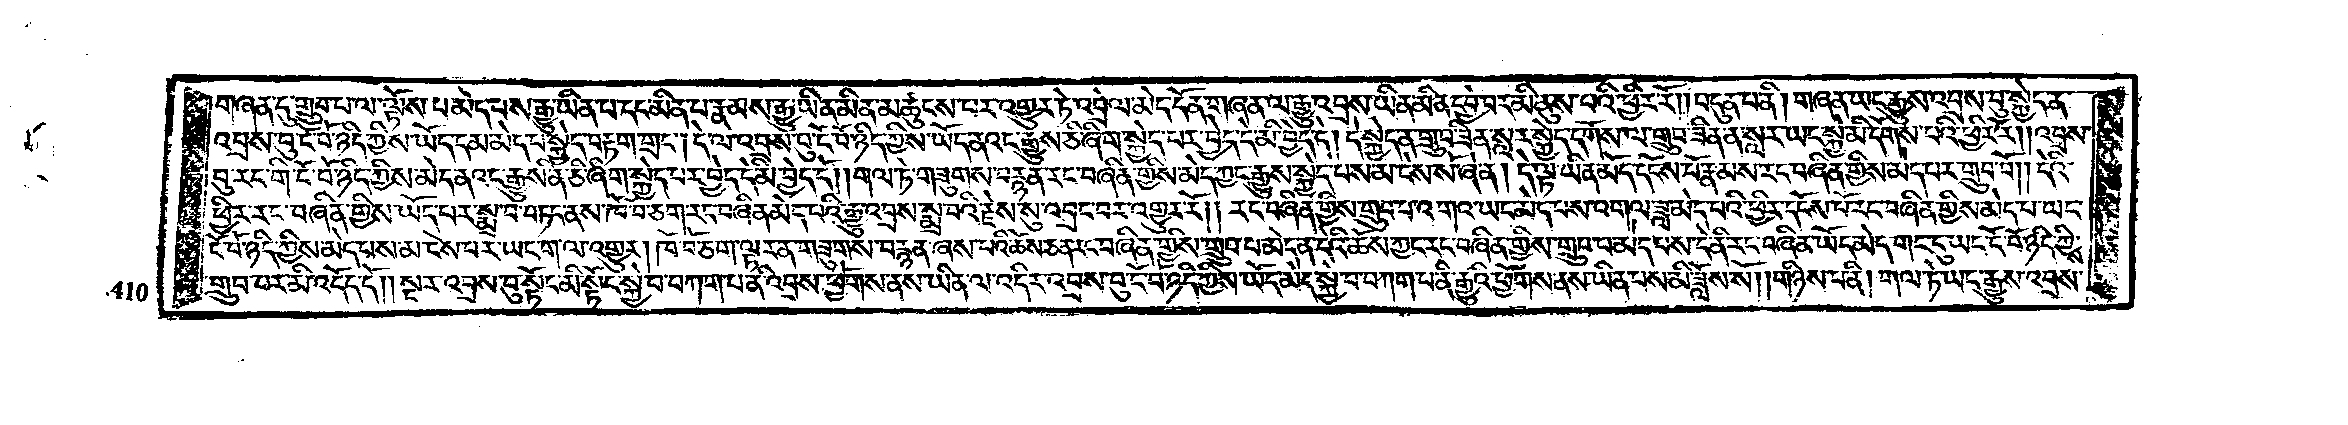གཞན་དུ་གྲུབ་པ་ལ་ལྟེས་པ་མེད་པས་རྒྱུ་ཡིན་པ་དང་མིན་པ་རྣམས་རྒྱུ་ཡིན་མིན་མཚུངས་པར་འགྱུར་ཏེ་འབྲེལ་མེད་དོན་གཞན་ལ་རྒྱུ་འབྲས་ཡིན་མིན་དབྱེ་བར་མི་ནུས་པའི་ཕྱིར་རོ། །བདུན་པ་ནི། གཞན་ཡང་རྒྱུས་འབྲས་བུ་སྐྱེད་ན་
འབྲས་བུ་ངོ་བོ་ཉིད་ཀྱིས་ཡོད་དམ་མེད་པ་སྐྱེད་བརྟག་གྲང་། དེ་ལ་འབྲས་བུ་ངོ་བོ་ཉིད་ཀྱིས་ཡོད་ནའང་རྒྱུས་ཅིག་ཞིག་སྐྱེད་པར་བྱེད་དེ་མི་བྱེད་དེ། དེ་སྐྱེད་ན་གྲུབ་ཟོན་སླར་སྐྱེད་དགོས་ལ་གྲུབ་ཟིན་ན་སླར་ཡང་སྐྱེ་མི་དགོས་པའི་ཕྱིར་རོ། །འབྲས་
བུ་རང་གི་ངོ་བོ་ཉིད་ཀྱིས་མེད་ནའང་རྒྱུས་ནི་ཅི་ཞིག་སྐྱེད་པར་བྱེད་དེ་ནི་བྱེད་དོ། །གལ་ཏེ་གཟུགས་བརྙན་རང་བཞིན་གྱིས་མེད་ཀྱང་རྒྱུས་སྐྱེད་པས་མ་ངེས་སོ་ཞེ་ན། དེ་ལྟ་ཡིན་མོད་དངོས་པོ་རྣམས་རང་བཞིན་གྱིས་མེད་པར་གྲུབ་བོ། །དེའི་
ཕྱིར་རང་བཞིན་གྱིས་ཡོད་པར་སྨྲ་བ་བཏང་ནས་ཁོ་བོ་ཆག་རང་བཞིན་མེད་པའི་རྒྱུ་འབྲས་སྨྲ་བའི་རྗེས་སུ་འབྲང་བར་འགྱུར་རོ། །རང་བཞིན་གྱིས་གྲུབ་པ་ལ་འགའ་ཡང་མེད་པས་འགལ་ཟླ་མེད་པའི་ཕྱིར་དངོས་པོ་རང་བཞིན་གྱིས་མེད་པ་ཡང་
ངོ་བོ་ཉིད་ཀྱིས་མེད་པས་མ་ངེས་པར་ཡང་གལ་འགྱུར། ཁོ་བོ་ཅག་ལྟར་ན་གཟུགས་བརྙན་ཞེས་པའི་ཆོས་ཅན་རང་བཞིན་གྱིས་གྲུབ་མ་མེད་ན་དེའི་ཆོས་ཀྱང་རང་བཞིན་གྱིས་གྲུབ་པ་མེད་པས་དེ་ནི་རང་བཞིན་ཡོད་མེད་གང་དུ་ཡང་ངོ་བོ་ཉིད་ཀྱིས་
གྲུབ་པར་མི་འདོད་དོ། །སྔར་འབྲས་བུ་སྟོང་མི་སྟོང་སྐྱེ་བ་བཀག་པ་ནི་འབྲས་ཕྱོགས་ནས་ཡིན་ལ་འདིར་འབྲས་བུ་ངོ་བོ་ཉིད་ཀྱིས་ཡོད་མེད་སྐྱེ་བ་བཀག་པ་ནི་རྒྱུའི་ཕྱོགས་ནས་ཡིན་པས་མི་ཟློས་སོ། །གཉིས་པ་ནི། གལ་ཏེ་ཡང་རྒྱུས་འབྲས་